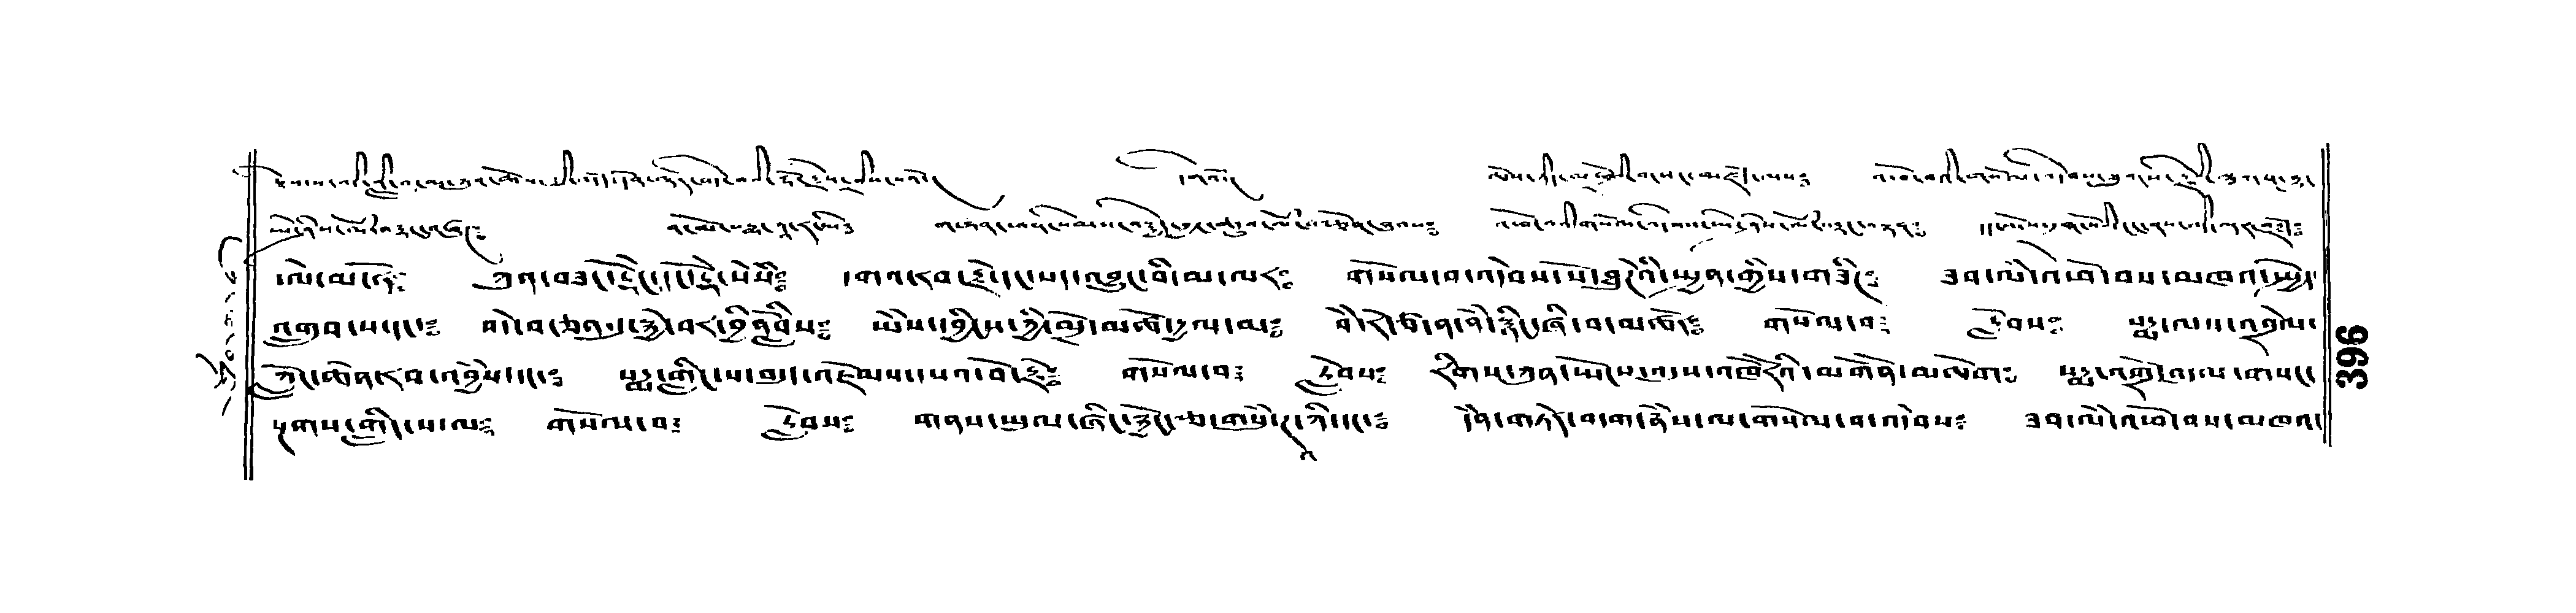ཅེས་པ་འདི་ནི་བླ་མ་ཀུན་ཆོས་ཀྱིས་འདོད་དོན་ལྟར་བདེ་བའི་རྡོ་རྗེས་བྲིས་པའོ།། ཆོས་ཉིད་མཁའ་འགྲོའི་གསང་མཛོད་ལས༔ འཕོ་བའི་གསོལ་འདེབས་ཐུགས་རྗེའི་ལྕགས་ཀྱུ་
ཡེ་ཤེས་ལམ་བཟང་བཞུགས༔ ན་མོ་པདྨ་ཀཱ་ར་ཡེ༔ གཞན་ཕན་སེམས་བསྐྱེད་བྱང་ཆུབ་ལམ་བརྩོན་ཐབས༔ འཕོ་བའི་གསོལ་འདེབས་ཡེ་ཤེས་ལམ་བཟང་བསྟན༔ དད་མོས་དྲག་པོའི་ངང་ནས་འདི་ལྟར་བརྗོད༔ 
ཨེ་མ་ཧོ༔ ཀུན་བཟང་རྡོ་རྗེ་འཆང་དང་རྡོ་རྗེ་སེམས༔ དགའ་རབ་རྗེ་དང་པད་འབྱུང་མི་མ་ལར༔གསོལ་བ་འདེབས་སོ་ཐུགས་རྗེའི་སྤྱན་གྱིས་གཟིགསཿ ཟབ་ལམ་འཕོ་བས་མཁའ་སྤྱོད་
འགྲུབ་པ་དང༔ བདེ་བ་ཅན་དུ་སྐྱེ་བར་བྱིན་གྱིས་རློབས༔ ཡེ་ཤེས་དབྱིངས་ཀྱི་མཁའ་འགྲོ་མཚོ་རྒྱལ་མ༔ བཻ་རོ་ཅན་ན་ནམ་སྙིང་ཞི་བ་མཚོར༔ གསོལ་བ༴ ཟབ་ལམ༴ བདེ་བ་ཅན༴ པདྨ་ལས་འབྲེལ་
ཀློང་ཆེན་རབ་འབྱམས་དང༔ པདྨ་གླིང་པ་བདུད་འཇོམས་དཔའ་བོ་རྗེ༔ གསོལ་བ༴ ཟབ་ལམ༴ བདེ་བ་ཅན༴ རིགས་ཀུན་ཡོངས་འདུས་འཁོར་ལོའི་མགོན་པོ་མཆོག༔ པདྨ་འགྲོ་འདུལ་གསང་
སྔགས་གླིང་པ་ལ༔ གསོལ་བ༴ ཟབ་ལམ༴ བདེ་བ་ཅན༴ གནས་ཡུལ་ཞིང་སྐྱོང་རྩ་གསུམ་ཌཱ་ཀི་དང༔ དམ་ཅན་གཏེར་བདག་རྣམས་ལ་གསོལ་བ་འདེབས༔ ཟབ་ལམ་འཕོ་བས་མཁའ་